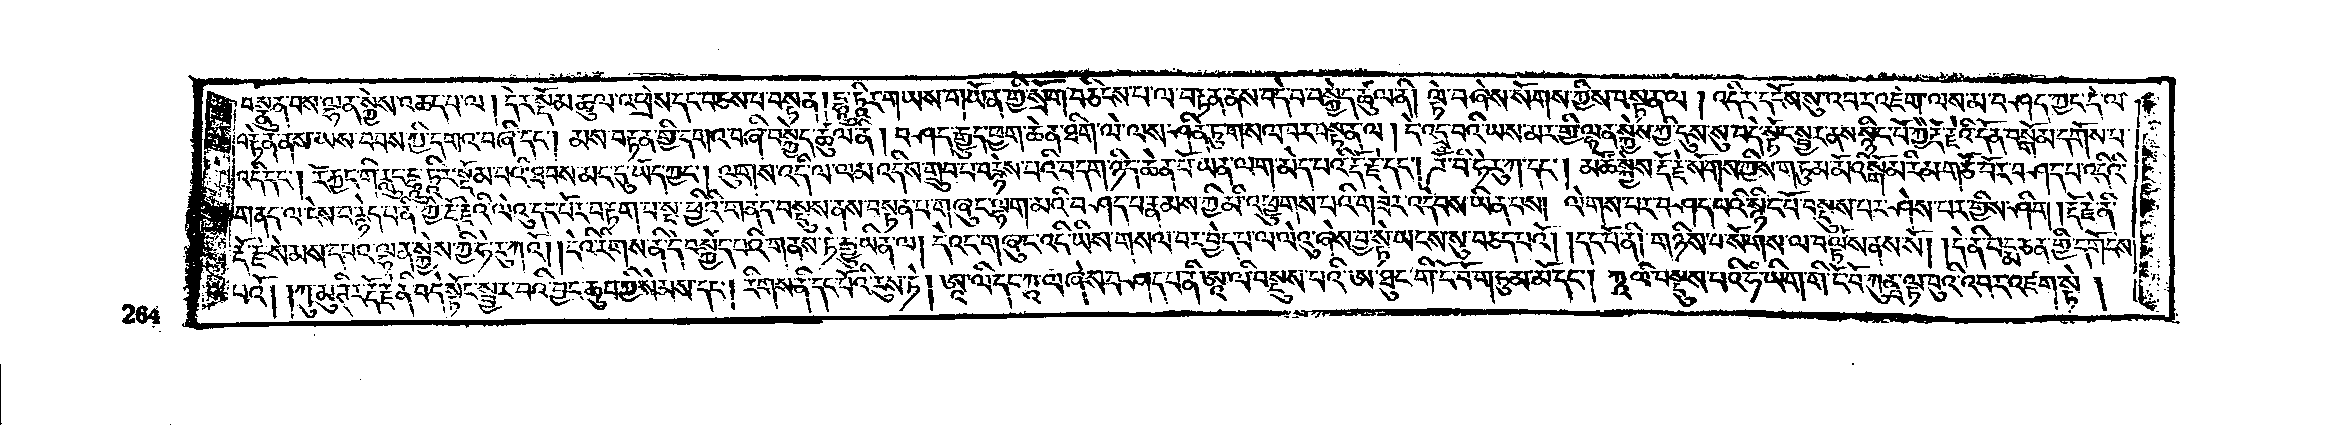བསྣུན་པས་ལྷན་སྐྱེས་འཆད་པ་ལ། དེར་སྡོམ་ཚུལ་འཕྲེས་དང་བཅས་པ་བསྟན། དྷཱུ་ཏཱིར་གཡས་གཡོན་གྱི་སྲོག་བཅིངས་པ་ལ་བརྟན་ནས་བདེ་བ་བསྐྱེད་ཚུལ་ནི། ལྟེ་བ་ཞེས་སོགས་ཀྱིས་བསྟན་ལ། འདིར་དངོས་སུ་འབར་འཛག་ལས་མ་བཤད་ཀྱང་དེ་ལ་
བརྟེན་ནས་ཡས་བབས་ཀྱི་དགའ་བཞི་དང་། མས་བརྟན་གྱི་དགའ་བཞི་བསྐྱེད་ཚུལ་ནི། བཤད་རྒྱུད་ཕྱག་ཆེན་ཐིག་ལེ་ལས་ཤིན་ཏུ་གསལ་བར་བསྟན་ལ། དེ་འདྲ་བའི་ཡས་མར་གྱི་ལྷན་སྐྱེས་ཀྱི་དུས་སུ་བདེ་སྟོང་སྦྱར་ནས་སྙིང་པོ་ཀྱཻ་རྡོ་རྗེའི་དོན་བསྒོམ་དགོས་པ་
འདི་དང་། རོ་རྐྱང་གི་རླུང་དྷཱུ་ཏཱིར་སྡོམ་པའི་ཐབས་མང་དུ་ཡོད་ཀྱང་། ལུགས་འདི་ལ་ལམ་འདིས་གྲུབ་པ་བརྙེས་པའི་བདག་ཉིད་ཆེན་པོ་ཡན་ལག་མེད་པའི་རྡོ་རྗེ་དང་། ཌོཾ་བི་ཧེ་རུ་ཀ་དང་། མཚོ་སྐྱེས་རྡོ་རྗེ་སོགས་ཀྱིས་གཏུམ་མོའི་སྒོམ་རིམ་གཙོ་བོར་བཤད་པ་འདིའི་
གནད་ལ་ངེས་པ་རྙེད་པ་ནི་ཀྱེ་རྡོ་རྗེའི་ལེའུ་དང་པོར་བརྟག་པ་སྔ་ཕྱིའི་གནད་བསྡུས་ནས་བསྟན་པ་གཞུང་ལྷག་མའི་བཤད་པ་རྣམས་ཀྱི་མི་འཕྱུགས་པའི་གཟེར་འདེབས་ཡིན་པས། ལེགས་པར་བཤད་པའི་སྙིང་པོ་བསྡུས་པར་ཤེས་པར་གྱིས་ཤིག །རྡོ་རྗེ་ནི་
རྡོ་རྗེ་སེམས་དཔའ་ལྷན་སྐྱེས་ཀྱི་ཧེ་རུ་ཀའོ། །དེའི་རིགས་ནི་དེ་བསྐྱེད་པའི་གནས་ཏེ་རྒྱུ་ཡིན་ལ། དེའང་གཞུང་འདི་ཡིས་གསལ་བར་བྱེད་པ་ལ་ལེའུ་ཞེས་བྱ་སྟེ་ཡོངས་སུ་བཅད་པའོ། །དང་པོ་ནི། གཉིས་པ་སོགས་ལ་བལྟོས་ནས་སོ། །དེ་ནི་པདམ་ཅན་གྱི་དགོངས་
པའོ། །ཀུ་མི་ཊིར་རྡོ་རྗེ་ནི་བདེ་སྟོང་སྦྱར་བའི་བྱང་ཆུབ་ཀྱི་སེམས་དང་། རིགས་ནི་དང་པོའི་རུས་ཏེ། ཨཱ་ལི་དང་ཀཱ་ལ་ཞེས་བཤད་པ་ནི་ཨཱ་ལི་བསྡུས་པའི་ཨ་ཐུང་གི་ངོ་བོ་གཏུམ་མོ་དང་། ཀཱ་ལི་བསྡུས་པའི་ཧཾ་ཡིག་གི་ངོ་བོ་ཀུནྡ་ལྟ་བུའི་འབར་འཛག་སྟེ།